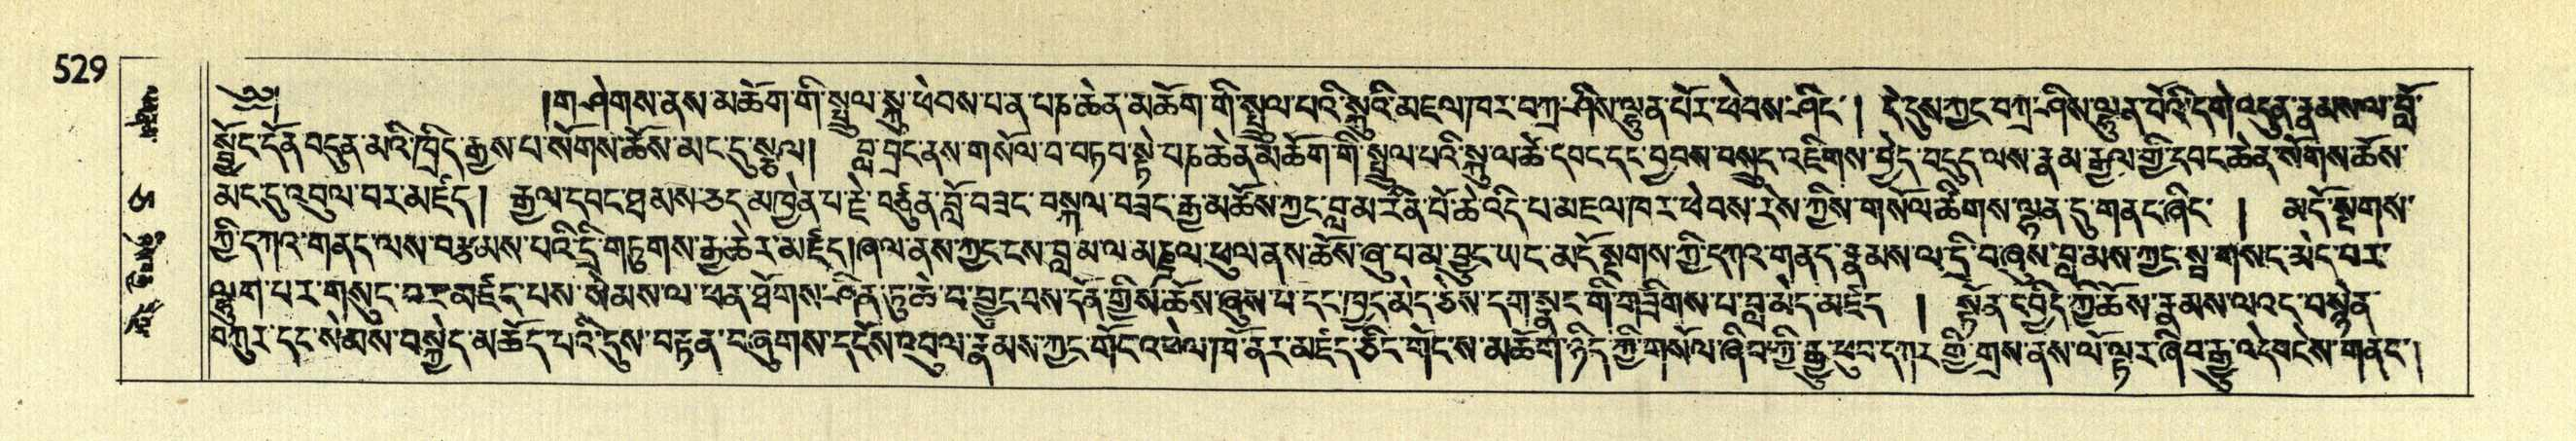༄༅། །གཤེགས་ནས་མཆོག་གི་སྤྲུལ་སྐུ་ཕེབས་པ་ན་པཎ་ཆེན་མཆོག་གི་སྤྲུལ་པའི་སྐུའི་མཇལ་ཁར་བཀྲ་ཤིས་ལྷུན་པོར་ཕེབས་ཤིང་། དེ་དུས་ཀྱང་བཀྲ་ཤིས་ལྷུན་པོའི་དགེ་འདུན་རྣམས་ལ་བློ་
སྦྱོང་དོན་བདུན་མའི་ཁྲིད་རྒྱས་པ་སོགས་ཆོས་མང་དུ་སྩལ། བླ་བྲང་ནས་གསོལ་བ་བཏབ་སྟེ་པཎ་ཆེན་མཆོག་གི་སྤྲུལ་པའི་སྐུ་ལ་ཚེ་དབང་དང་བྱབས་བསྲུང་འཇིགས་བྱེད་བདུད་ལས་རྣམ་རྒྱལ་གྱི་དབང་ཆེན་སོགས་ཆོས་
མང་དུ་འབུལ་བར་མཛད། རྒྱལ་དབང་ཐམས་ཅད་མཁྱེན་པ་རྗེ་བཙུན་བློ་བཟང་བསྐལ་བཟང་རྒྱ་མཚོས་ཀྱང་བླ་མ་རིན་པོ་ཆེ་འདི་པ་མཇལ་ཁར་ཕེབས་རེས་ཀྱིས་གསོལ་ཚིགས་ལྷན་དུ་གནང་ཞིང་། མདོ་སྔགས་
ཀྱི་དཀའ་གནད་ལས་བརྩམས་པའི་དྲི་གཏུགས་རྒྱ་ཆེར་མཛད། ཞལ་ནས་ཀྱང་ངས་བླ་མ་ལ་མཎྜལ་ཕུལ་ནས་ཆོས་ཞུ་བ་མ་བྱུང་ཡང་མདོ་སྔགས་ཀྱི་དཀའ་གནད་རྣམས་ལ་དྲི་བ་ཞུས་བླ་མས་ཀྱང་སྤ་གསང་མེད་པར་
ལྷུག་པར་གསུང་བར་མཛད་པས་སེམས་ལ་ཕན་ཐོགས་ཤིན་ཏུ་ཆེ་བ་བྱུང་བས་དོན་གྱིས་ཆོས་ཞུས་པ་དང་ཁྱད་མེད་ཅེས་དག་སྣང་གི་གཟིགས་པ་བླ་མེད་མཛད། སྟོན་དཔྱིད་ཀྱི་ཆོས་རྣམས་ལའང་བསྙེན་
བཀུར་དང་སེམས་བསྐྱེད་མཆོད་པའི་དུས་བརྟན་བཞུགས་དངོས་འབུལ་རྣམས་ཀྱང་གོང་འཕེལ་ཁོ་ནར་མཛད་ཅིང་གོང་ས་མཆོག་ཉིད་ཀྱི་གསོལ་ཞིབ་ཀྱི་རྒྱུ་ཕུབ་དཀར་གྱི་གྲས་ནས་ལོ་ལྟར་ཞིབ་རྒྱུ་འདེབ་ངེས་གནང་།